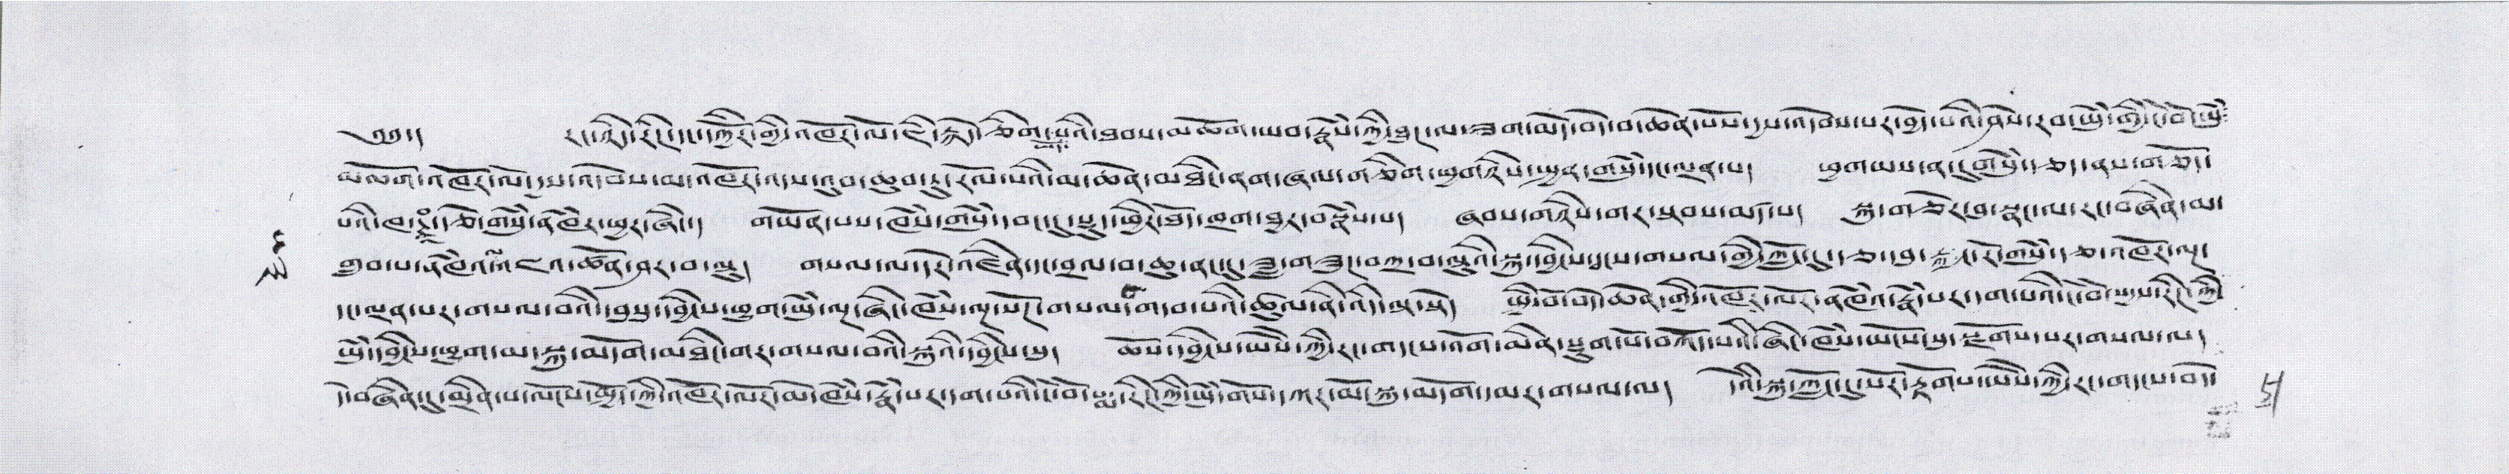རང་ཉིད་རིགས་དང་དཀྱིལ་འཁོར་གྱི་འཁོར་ལོ་ཇི་སྙེད་ཅིག་ཡོད་པའི་ཐམས་མཆོག་ཡབ་རྣམས་ཀྱི་ཐུགས་ལ་ཟག་མེད་བདེ་བ་ཆེན་པོས་རྒྱས་འདེབས་པར་བྱེད་པའི་ཤེས་རབ་ཡུམ་གྱི་ངོ་བོ་ཡུམ་
མཆོག་འཁོར་ལོ་རྒྱས་འདེབས་མ་འཁོར་འདས་འུབས་ཆུབ་ཏུ་རོལ་པའི་མ་ཆེན་མཐིང་ནག་ཞལ་གཅིག་ཕྱག་གཉིས་སྤྱན་གསུམ་དང་ལྡན་པ། ཕྱག་གཡས་ན་དུག་གསུམ་རྕད་ནས་གཅོད་
པའི་ཁ་ཊཾ་ནམ་མཁའ་ལ་ཕྱར་ཞིང་། གཡོན་པས་ཁམས་གསུམ་དབང་དུ་སྡུད་ཕྱིར་ཐོད་ཁྲག་ཐུགས་ཀར་བསྣམས་པ། ཞབས་གཉིས་གར་སྟབས་མཛད་པ། སྐུ་གཅེར་བུ་སྣང་ལ་རང་བཞིན་མ་
གྲུབ་པ་ནམ་མཁའ་ལ་འཇའ་ཚོན་ཤར་བ་ལྟ་བུ། གསལ་ལ་དེར་འཛིན་དང་བྲལ་བ་ཆུ་ནང་དུ་ཟླ་གཟུགས་བཀྲ་བ་ལྟ་བུའི་སྐུ་དབྱིངས་དྭངས་གསལ་གྱི་ཀློང་དུ་རྩ་དབུ་རྐྱང་རོ་གསུམ་རྩ་འཁོར་ལྔ་
དང་ལྡན་པར་གསལ་བའི་དབུས་སུ་དབྱིངས་ཕྱུག་ཡུམ་ལྔ་ཞིང་ཁམས་ལྔ་སོགས་གསལ་གདབ་པའི་ཚུལ་ནི་འདི་ལྟ་སྟེ། སྤྱི་བོ་བདེ་ཆེན་གྱི་འཁོར་ལོར་ནམ་མཁའ་རྣམ་པར་དག་པའི་ངོ་བོ་སངས་རྒྱས་རིགས་ཀྱི་
ཡུམ་དབྱིངས་ཕྱུག་མ་སྐུ་མདོག་མཐིང་གར་གསལ་བའི་སྐུའི་དབྱིངས་སུ། ཆོས་དབྱིངས་ཡེ་ཤེས་ཀྱི་རང་གདངས་འོག་མིན་སྟུག་པོ་བཀོད་པའི་ཞིང་ཁམས་ཡོངས་སུ་རྫོགས་པར་གསལ་ལ། 
དེ་བཞིན་དུ་མགྲིན་པ་ལོངས་སྤྱོད་ཀྱི་འཁོར་ལོར་མེ་ཁམས་རྣམ་པར་དག་པའི་ངོ་བོ་པདྨ་རིགས་ཀྱི་ཡུམ་གོས་དཀར་མོ་སྐུ་མདོག་དམར་གསལ་ལ། དེའི་སྐུ་ཀློང་དུ་སོར་རྟོགས་ཡེ་ཤེས་ཀྱི་རང་གདངས་བདེ་